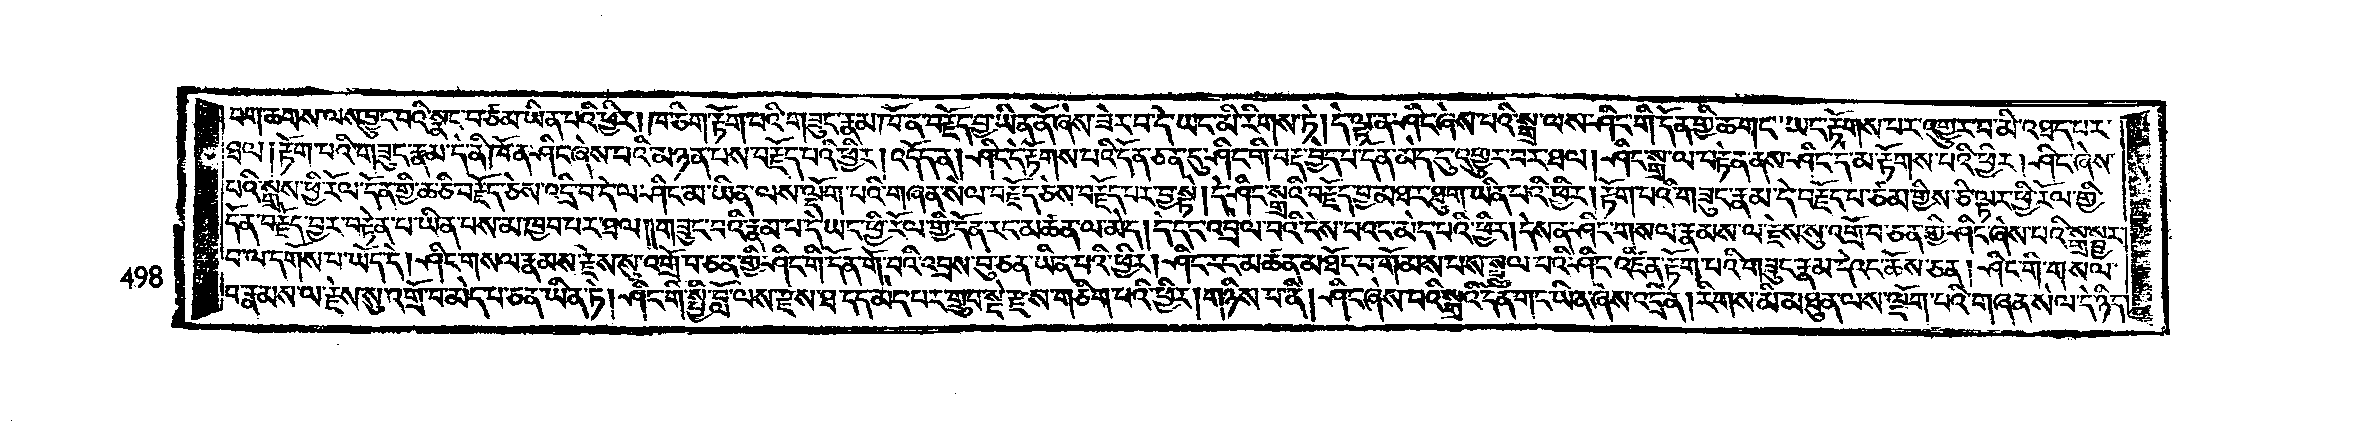བག་ཆགས་ལས་བྱུང་བའི་སྣང་བ་ཅོམ་ཡིན་པའི་ཕྱིར། ཁ་ཅིག་རྟོག་པའི་གཟུང་རྣམ་ཁོ་ན་བརྗོད་བྱ་ཡིན་ནོ་ཞེས་ཟེར་བ་དེ་ཡང་མི་རིགས་ཏེ། དེ་ལྟ་ན་ཤིང་ཞེས་པའི་སྒྲ་ལས་ཤིང་གི་དོན་གྱི་ཆ་གང་ཡང་རྟོགས་པར་འགྱུར་བ་མི་འཐད་པར་
ཐལ། རྟོག་པའི་གཟུང་རྣམ་དེ་ནི་ཁོ་ན་ཤིང་ཞེས་པའི་མཉན་པས་བརྗོད་པའི་ཕྱིར། འདོད་ན། ཤིང་དེ་རྟོགས་པའི་དོན་ཅན་དུ་ཤིང་གི་བརྡ་བྱེད་པ་དོན་མེད་དུ་འགྱུར་བར་ཐལ། ཤིང་སྒྲ་ལ་བརྟེན་ནས་ཤིང་དེ་མ་རྟོགས་པའི་ཕྱིར། ཤིང་ཞེས་
པའི་སྒྲས་ཕྱི་རོལ་དོན་གྱི་ཆ་ཅི་བརྗོད་ཅེས་འདྲི་བ་དེ་ལ་ཤིང་མ་ཡིན་ལས་ལྡོག་པའི་གཞན་སེལ་བརྗོད་ཅེས་བརྗོད་པར་བྱ་སྟེ། དེ་ཤིང་སྒྲའི་བརྗོད་བྱ་མཐར་ཐུག་ཡིན་པའི་ཕྱིར། རྟོག་པའི་གཟུང་རྣམ་དེ་བརྗོད་པ་ཙམ་གྱིས་ཅི་ལྟར་ཕྱི་རོལ་གྱི་
དོན་བརྗོད་བྱར་བརྟེན་པ་ཡིན་པས་མ་ཁྱབ་པར་ཐལ། །གཟུང་བའི་རྣམ་པ་དེ་ཡང་ཕྱི་རོལ་གྱི་དོན་རང་མཚན་ལ་མེད། དེ་དང་འབྲེལ་བའི་ངེས་པའང་མེད་པའི་ཕྱིར། དེས་ན་ཤིང་གསལ་རྣམས་ལ་རྗེས་སུ་འགྲོ་བ་ཅན་གྱི་ཤིང་ཞེས་པའི་སྒྲ་སྦྱར་
བ་ལ་དགོས་པ་ཡོད་དེ། ཤིང་གསལ་རྣམས་རྗེས་སུ་འགྲོ་བ་ཅན་གྱི་ཤིང་གི་དོན་གོ་བའི་འབྲས་བུ་ཅན་ཡིན་པའི་ཕྱིར། ཤིང་རང་མཚན་མཐོང་བ་གོམས་པས་སྤྲུལ་པའི་ཤིང་འཛིན་རྟོག་པའི་གཟུང་རྣམ་དེའང་ཆོས་ཅན། ཤིང་གི་གསལ་
བ་རྣམས་ལ་རྗེས་སུ་འགྲོ་བ་མེད་པ་ཅན་ཡིན་ཏེ། ཤིང་གི་སྤྱི་བློ་ལས་རྫས་ཐ་དད་མེད་པར་གྲུབ་སྡེ་རྫས་གཅིག་པའི་ཕྱིར། གཉིས་པ་ནི། ཤིང་ཞེས་པའི་སྒྲའི་དོན་གང་ཡིན་ཞེས་འདྲི་ན། རིགས་མི་མཐུན་ལས་ལྡོག་པའི་གཞན་སེལ་དེ་ཉིད་